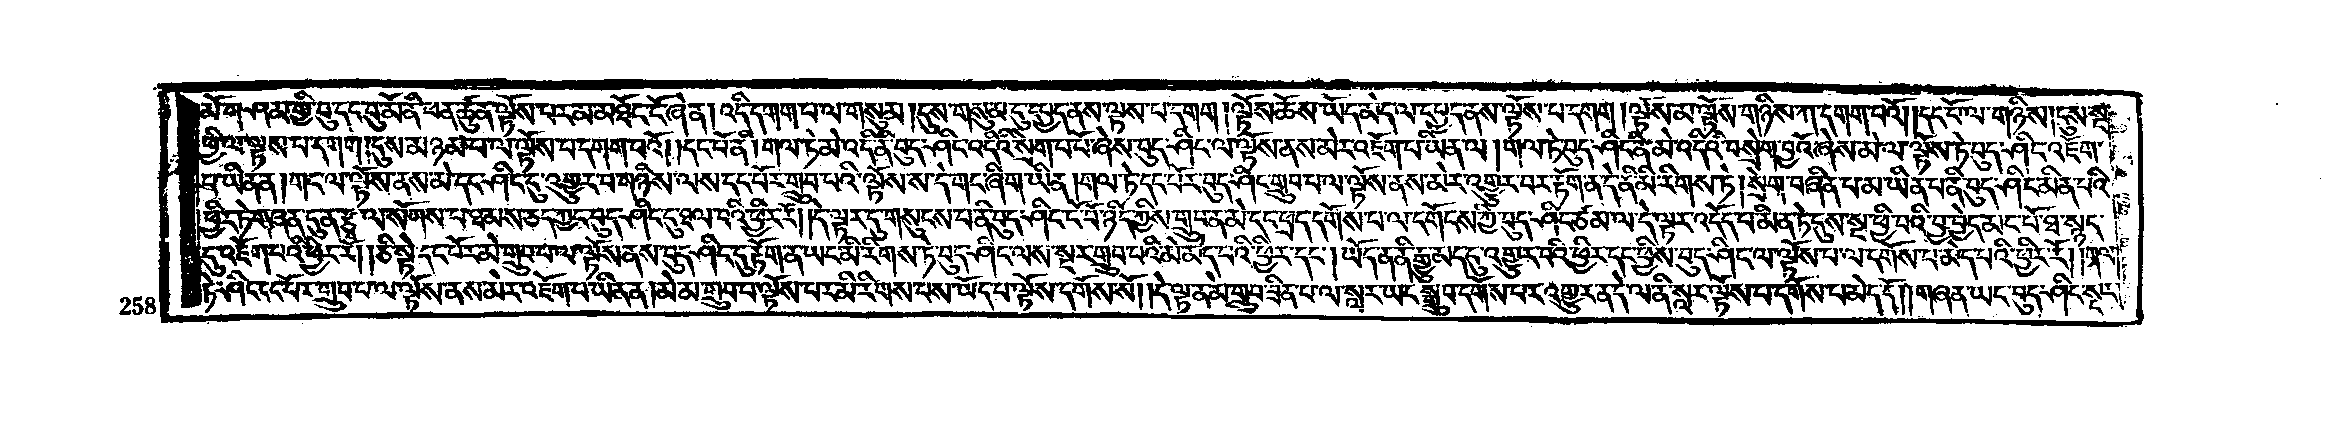མོ་གཤམ་གྱི་བུ་དང་བུ་མོ་ནི་ཕན་ཚུན་ལྟོས་པར་མ་མཐོང་ངོ་ཞེ་ན། འདི་དགག་པ་ལ་གསུམ། དུས་གསུམ་དུ་དཔྱད་ནས་ལྟས་པ་དགག །ལྟོས་ཆོས་ཡོད་མེད་ལ་དཔྱད་ནས་ལྟོས་པ་དགག །ལྟོས་མ་ལྟོས་གཉིས་ཀ་དགག་པའོ། །དང་པོ་ལ་གཉིས། དུས་སྔ་
བྱི་ལ་ལྟས་པ་དགག །དུས་མཉམ་པ་ལ་ལྟོས་པ་དགག་པའོ། །དང་པོ་ནི། ལྔ་ཏེ་མེ་འདི་ནི་བུད་ཤིང་འདིའི་སྲེག་པ་པོ་ཞེས་བུད་ཤིང་ལ་ལྟོས་ནས་མེར་འཇོག་པ་ཡིན་ལ། གལ་ཏེ་བུད་ཤིང་ནི་མེ་འདིའི་བསྲེག་བྱའོ་ཞེས་མེ་ལ་ལྟོས་ཏེ་བུད་ཤིང་འཇོག་
པ་ཡིན་ན། གང་ལ་ལྟོས་ནས་མེ་དང་ཤིང་དུ་འགྱུར་བ་གཉིས་ལས་དང་པོར་གྲུབ་པའི་ལྟོས་ས་དེ་གང་ཞིག་ཡིན། གལ་ཏེ་དང་པོར་བུད་ཤིང་གྲུབ་པ་ལ་ལྟོས་ནས་མེར་འགྱུར་བར་རྟོག་ན་དེ་ནི་མི་རིགས་ཏེ། སྲེག་བཞིན་པ་མ་ཡིན་པ་ནི་བུད་ཤིང་མིན་པའི་
ཕྱིར་ཏེ་གཞན་དུ་ན་རྩྭ་ལ་སོགས་པ་ཐམས་ཅད་ཀྱང་བུད་ཤིང་དུ་ཐལ་བའི་ཕྱིར་རོ། །དེ་ལྟར་དུ་གསུངས་པ་ནི་བུད་ཤིང་ངོ་བོ་ཉིད་ཀྱིས་གྲུབ་ན་མེ་དང་ཕྲད་དགོས་པ་ལ་དགོངས་ཀྱི་བུད་ཤིང་ཙམ་ལ་དེ་ལྟར་འདོད་པ་མིན་ཏེ་དུས་སྔ་ཕྱི་བའི་བྱ་བྱེད་མང་པོ་ཐ་སྙད་
དུ་འཇོག་པའི་ཕྱིར་རོ། །ཅི་སྟེ་དང་པོར་མེ་གྲུབ་པ་ལ་ལྟོས་ནས་བུད་ཤིང་དུ་རྟོག་ན་ཡང་མི་རིགས་ཏེ་བུད་ཤིང་ལས་སྔར་གྲུབ་པའི་མེ་མེད་པའི་ཕྱིར་དང་། ཡོད་ན་ནི་རྒྱུ་མེད་དུ་འགྱུར་བའི་ཕྱིར་དང་ཕྱིས་བུད་ཤིང་ལ་ལྟོས་པ་ལ་དགོས་པ་མེད་པའི་ཕྱིར་རོ། །གལ་
ཏེ་ཤིང་དང་པོར་གྲུབ་པ་ལ་ལྟོས་ནས་མེར་འཇོག་པ་ཡིན་ན། མེ་མ་གྲུབ་པ་ལྟོས་པར་མི་རིགས་པས་ཡོད་པ་ལྟོས་དགོས་སོ། །དེ་ལྟ་ན་མེ་གྲུབ་ཟིན་པ་ལ་སླར་ཡང་སྒྲུབ་དགོས་པར་འགྱུར་ན་དེ་ལ་ནི་སླར་ལྟོས་པ་དགོས་པ་མེད་དོ། །གཞན་ཡང་བུད་ཤིང་སྔར་